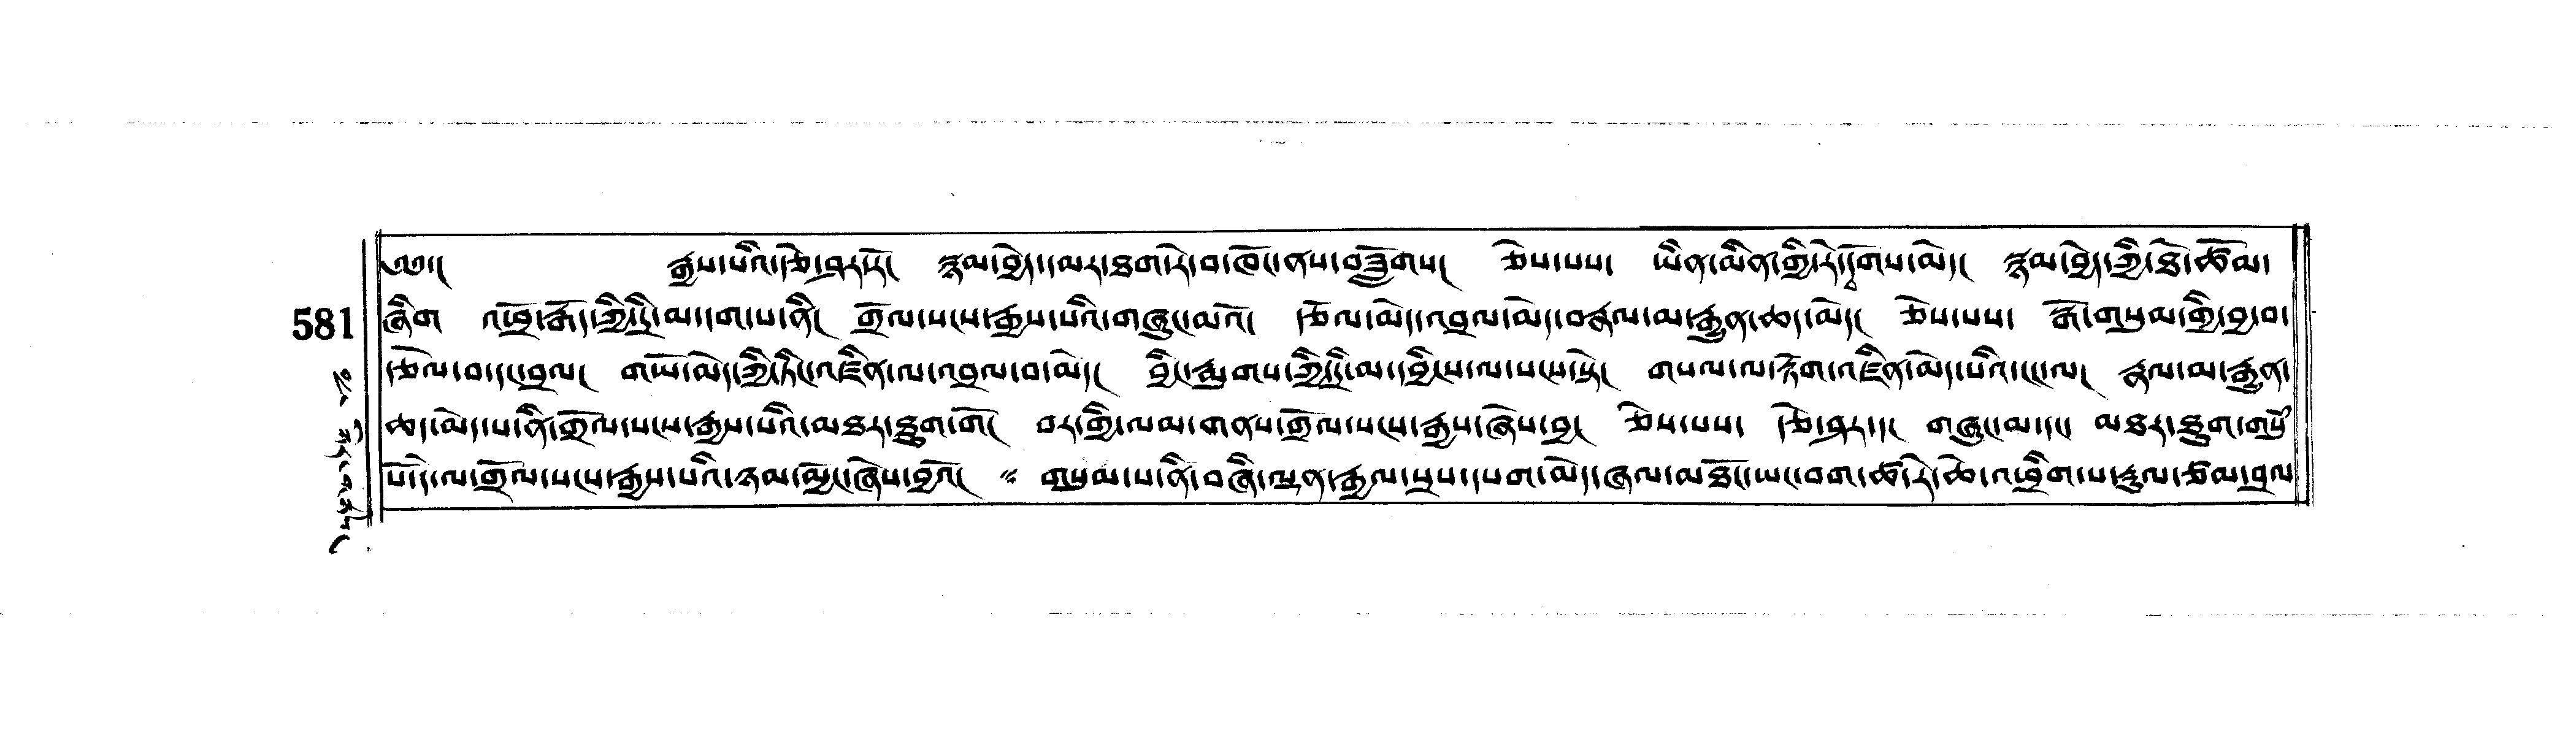རྒྱས་པའི་རྩེ་ཤར་རོ། སྙམ་བྱེད་དམར་ཐག་རེ་བ་ཁོང་ནས་བཟློག ཅེས་པས། ཡིན་མིན་གྱི་རེ་དྭོགས་མེད། སྙམ་བྱེད་ཀྱི་ཐེ་ཚོམ་
ཞིག འཕྲོ་རྒོད་ཀྱི་དྲི་མ་དག་པ་ནི་གྲོལ་སངས་རྒྱས་པའི་གཞུང་མའོ། རྩོལ་མེད་འབྲལ་མེད་རྣལ་མ་རྒྱུན་ཆད་མེད། ཅེས་པས། སྒོ་གསུམ་གྱི་བྱ་བ་
རྩོལ་བ་དང་བྲལ། གཡོ་མེད་ཀྱི་ཏིང་འཛིན་ལ་འབྲལ་བ་མེད། བྱིང་རྨུགས་ཀྱི་དྲི་མ་དབྱིངས་ལ་སངས་ཏེ། གསལ་ལ་རྟོག་འཛིན་མེད་པའི་ངང་ལ། རྣལ་མ་རྒྱུན་
ཆད་མེད་པ་ནི་གྲོལ་སངས་རྒྱས་པའི་མཐར་ཐུག་གོ། བར་གྱི་ལམ་གནས་གྲོལ་སངས་རྒྱས་ཞེས་བྱ། ཅེས་པས། རྩེ་ཤར་དང་། གཞུང་མ་དང་། མཐར་ཐུག་གསུམ་
པོ་དེ་གྲོལ་སངས་རྒྱས་པའི་ཉམས་མྱོང་ཞེས་བྱའོ། ༧ གསུམ་པ་ནི་བཞི་ལྡན་རྒྱལ་སྲས་དཔག་མེད་ཞལ་མཐོང་ཡང་བག་ཚ་རེ་ཆེ་འཕྲིག་པ་རྡུལ་ཙམ་བྲལ།